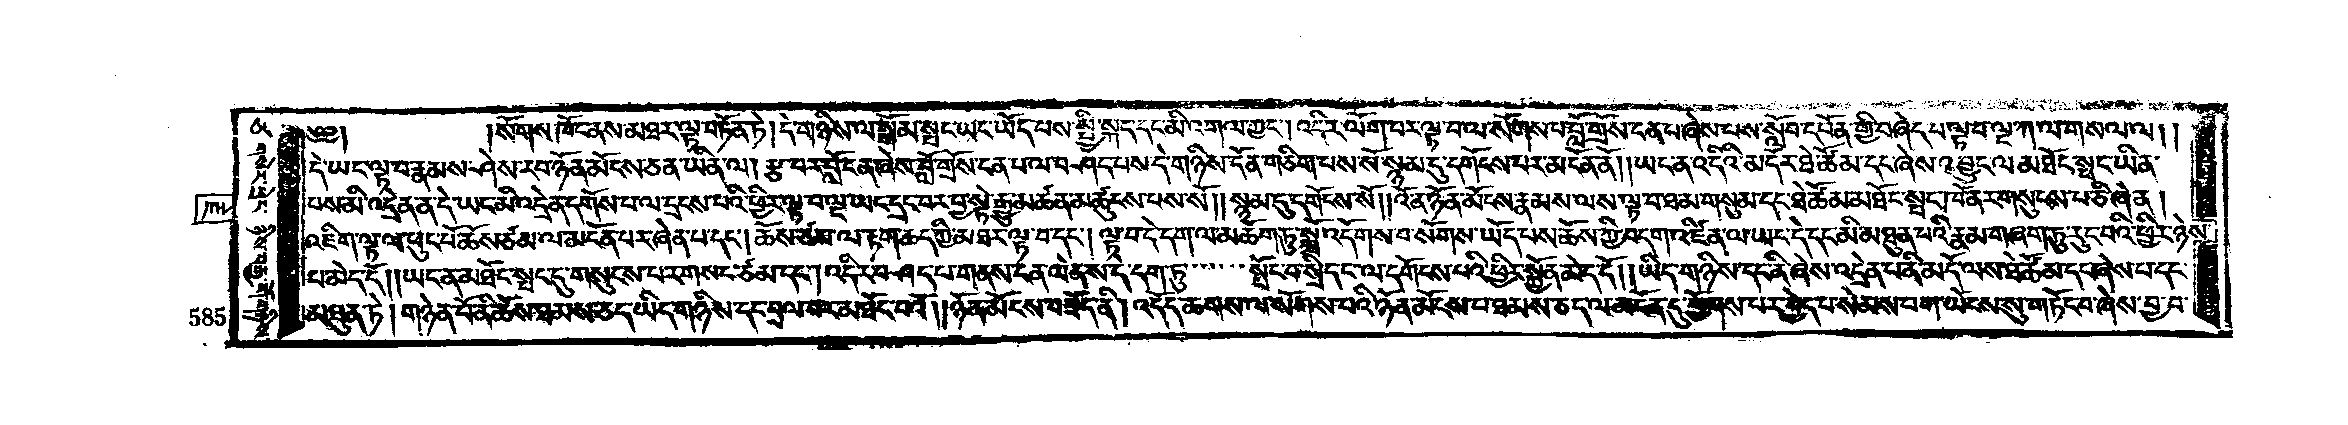༄༅། །སོགས་ཁོང་ནས་མཐར་ལྟ་བཏོན་ཏེ། དེ་གཉིས་ལ་སྒོམ་སྤང་ཡང་ཡོད་པས་སྤྱི་སྐད་དང་མི་འགལ་ཀྱང་། འདིར་ལོག་པར་ལྟ་བ་ལ་སོགས་པ་བློ་གྲོས་ངན་པ་ཞེས་པས་སློབ་དཔོན་གྱི་བཞེད་པ་ལྟ་བ་ལྔ་ཀ་ལ་གསལ་ལོ། །
དེ་ཡང་ལྟ་བ་རྣམས་ཤེས་རབ་ཉོན་མོངས་ཅན་ཡིན་ལ། རྩ་བར་བློ་ངན་ཞེས་བློ་གྲོས་ངན་པ་ལ་བཤད་པས་དེ་གཉིས་དོན་གཅིག་པས་སོ་སྙམ་དུ་དགོངས་པར་མངོན་ནོ། །ཡང་ན་འདིའི་མདོར་ཐེ་ཚོམ་དང་ཞེས་འབྱུང་ལ་མཐོང་སྤང་ཡིན་
པས་མི་འདྲེན་ན་དེ་ཡང་མི་འདྲེན་དགོས་པ་ལ་དྲངས་པའི་ཕྱིར་ལྟ་བ་ལྔ་ཡང་དྲང་བར་བྱ་སྟེ་རྒྱུ་མཚན་མཚུངས་པས་སོ། །སྙམ་དུ་དགོངས་སོ། །འོ་ན་ཉོན་མོངས་རྣམས་ལས་ལྟ་བ་ཐ་མ་གསུམ་དང་ཐེ་ཚོམ་མཐོང་སྤང་ཁོ་ནར་གསུངས་པ་ཅི་ཞེ་ན།
འཇིག་ལྟ་ལ་ཕུང་པོ་ཆོས་ཙམ་ལ་མངོན་པར་ཞེན་པ་དང་། ཆོས་ཙམ་ལ་རྟག་ཆད་ཀྱི་མཐར་ལྟ་བ་དང་། ལྟ་བ་དེ་དག་ལ་མཆོག་ཏུ་སྒྲོ་འདོགས་པ་སོགས་ཡོད་པས་ཆོས་ཀྱི་བདག་འཛིན་ལ་ཡང་དེ་དང་མི་མཐུན་པའི་རྣམ་གཞག་ཏུ་རུང་བའི་ཕྱིར་ཉེས་
པ་མེད་དོ། །ཡང་ན་མཐོང་སྤང་དུ་གསུངས་པ་རགས་པ་ཙམ་དང་། འདིར་བཤད་པ་གནས་ངན་ལེན་ས་དེ་དག་ཏུ་སྤོང་བ་སྲིད་པ་ལ་དགོངས་པའི་ཕྱིར་སྐྱོན་མེད་དོ། །ཡིད་གཉིས་དང་ནི་ཞེས་འདྲེན་པ་ནི་མདོ་ལས་ཐེ་ཚོམ་དང་ཞེས་པ་དང་
མཐུན་ཏེ། གཉེན་པོ་ནི་ཆོས་ཐམས་ཅད་ཡིད་གཉིས་དང་བྲལ་བར་མཐོང་བའོ། །ཉོན་མོངས་བཟོད་ནི། འདོད་ཆགས་ལ་སོགས་པའི་ཉོན་མོངས་པ་ཐམས་ཅད་ལ་མངོན་དུ་ཕྱོགས་པར་བྱེད་པ་སེམས་བག་ཡོངས་སུ་གཏོང་བ་ཞེས་བྱ་བ་